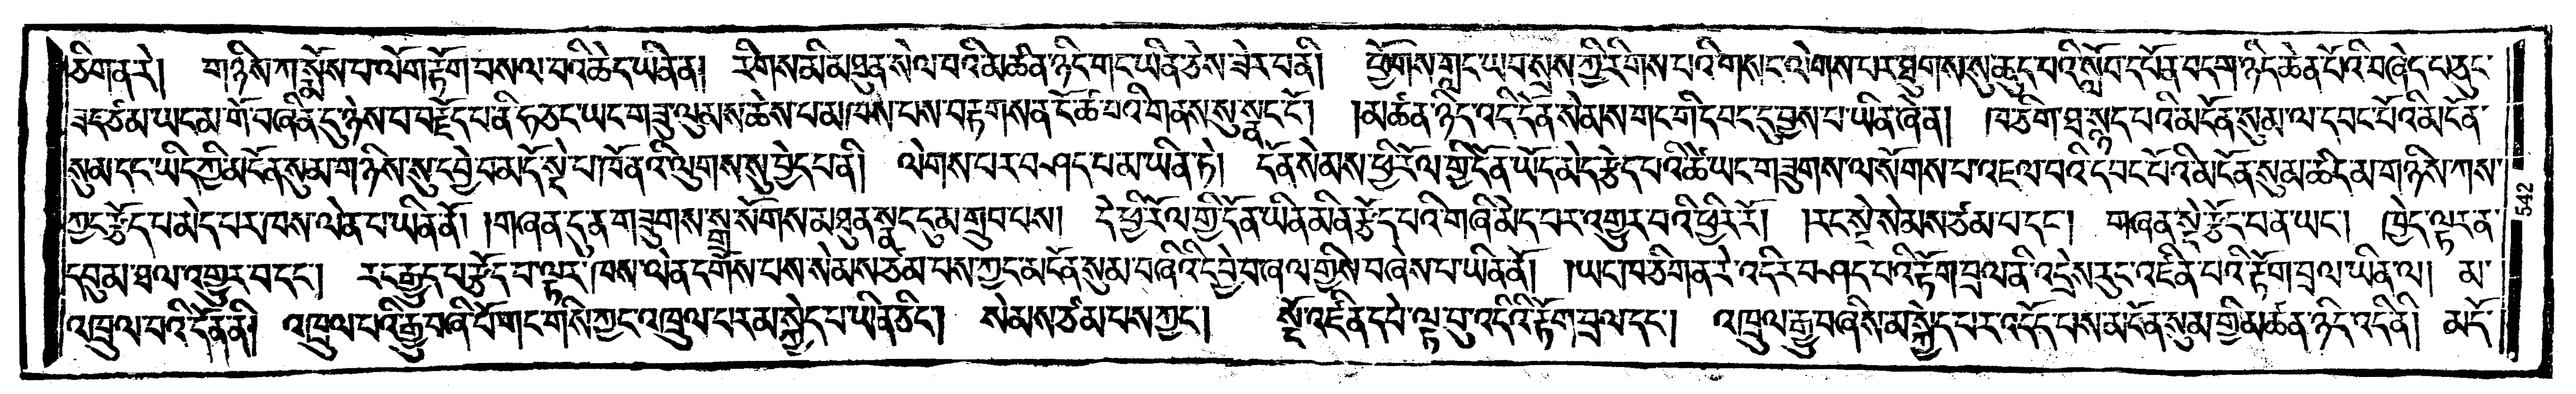ཅིག་ན་རེ། གཉིས་ཀ་སྨོས་པ་ལོག་རྟོག་བསལ་བའི་ཆེད་ཡིན་ན། རིགས་མི་མཐུན་སེལ་བའི་མཚན་ཉིད་གང་ཡིན་ཅེས་ཟེར་བ་ནི། ཕྱོགས་གླང་ཡབ་སྲས་ཀྱི་རིགས་པའི་གསང་ལེགས་པར་ཐུགས་སུ་ཆུང་པའི་སློབ་དཔོན་བདག་ཉིད་ཆེན་པོའི་བཞེད་པ་ཅུང་
ཟད་ཙམ་ཡང་མ་གོ་བཞིན་དུ་ཉེས་པ་བརྗོད་པ་ནི་ཧ་ཅང་ཡང་གཟུ་ལུམས་ཆེས་པ་མཁས་པས་བརྟགས་ན་ངོ་ཚ་བའི་གནས་སུ་སྣང་ངོ། །མཚན་ཉིད་འདི་དོན་སེམས་གང་གི་དབང་དུ་བྱས་པ་ཡིན་ཞེ་ན། ཁ་ཅིག་ཐ་སྙད་པའི་མངོན་སུམ་ལ་དབང་པོའི་མངོན་
སུམ་དང་ཡིད་ཀྱི་མངོན་སུམ་གཉིས་སུ་དབྱེ་བ་མདོ་སྡེ་པ་ཁོ་ནའི་ལུགས་སུ་བྱེད་པ་ནི། ལེགས་པར་བཤད་པ་མ་ཡིན་ཏེ། དོན་སེམས་ཕྱི་རོལ་གྱི་དོན་ཡོད་མེད་རྩེད་པའི་ཚེ་ཡང་གཟུགས་ལ་སོགས་པ་འཇལ་བའི་དབང་པོའི་མངོན་སུམ་ཚད་མ་གཉིས་ཀས་
ཀྱང་རྩོད་པ་མེད་པར་ཁས་ལེན་པ་ཡིན་ནོ། །གཞན་དུ་ན་གཟུགས་སྒྲ་སོགས་མཐུན་སྣང་དུ་མ་གྲུབ་པས། དེ་ཕྱི་རོལ་གྱི་དོན་ཡིན་མིན་རྩོད་པའི་གཞི་མེད་པར་འགྱུར་བའི་ཕྱིར་རོ། །རང་སྡེ་སེམས་ཙམ་པ་དང་། གཞན་སྡེ་རྩོད་པ་ན་ཡང་། ཁྱེད་ལྟར་ན་
དབུམ་ཐལ་འགྱུར་བ་དང་། རང་རྒྱུད་པ་རྩོད་པ་ལྟར་ཁས་ལེན་དགོས་པས་སེམས་ཙམ་པས་ཀྱང་མངོན་སུམ་བཞིའི་དབྱེ་བ་ཞལ་གྱིས་བཞེས་པ་ཡིན་ནོ། །ཡང་ཁ་ཅིག་ན་རེ་འདིར་བཤད་པའི་རྟོག་བྲལ་ནི་འདྲེས་རུང་འཛིན་པའི་རྟོག་བྲལ་ཡིན་ལ། མ་
འཁྲུལ་བའི་དོན་ནི། འཁྲུལ་པའི་རྒྱུ་བཞི་པོ་གང་གིས་ཀྱང་འཁྲུལ་པར་མ་སྐྱེད་པ་ཡིན་ཅིང་། སེམས་ཙམ་པས་ཀྱང་། སྔོ་འཛིན་དཔེ་ལྟ་བུ་འདིའི་རྟོག་བྲལ་དང་། འཁྲུལ་རྒྱུ་བཞིས་མ་སྐྱེད་པར་འདོད་པས་མངོན་སུམ་གྱི་མཚན་ཉིད་འདི་ནི། མདོ་